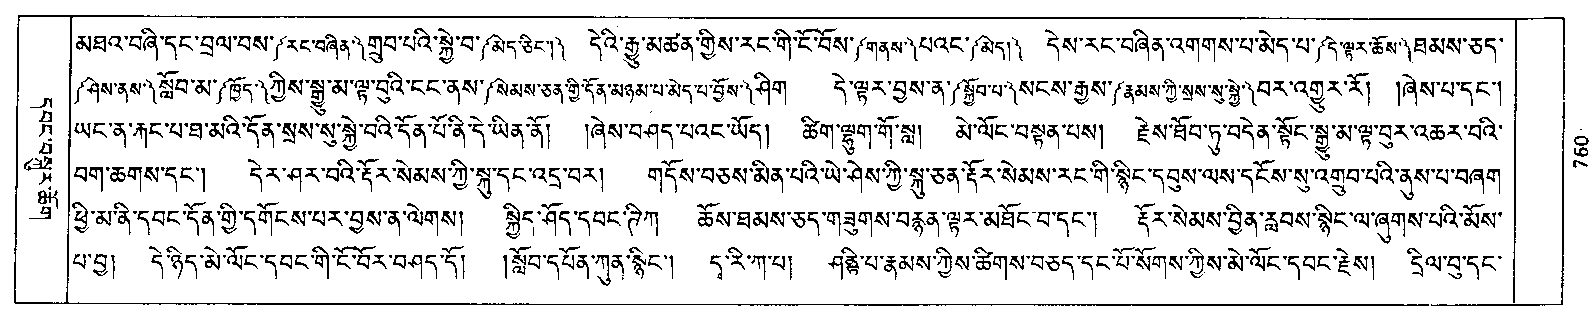མཐའ་བཞི་དང་བྲལ་བས ༼རང་བཞིན྄་གྲུབ་པའི་སྐྱེ་བ་༽མེད་ཅིང་།?་དེའི་རྒྱུ་མཚན་གྱིས་རང་གི་ངོ་བོས ༼གནས྄་པའང་༽མེད།?་དེས་རང་བཞིན་འགགས་པ་མེད་པ་དེ་ལྟར་ཆོས྄་ཐམས་ཅད་
༼ཤེས་ནས྄་སློབ་མ་༽ཁྱོད྄་ཀྱིས་སྒྱུ་མ་ལྟ་བུའི་ངང་ནས ༼སེམས་ཅན་གྱི་དོན་མཉམ་པ་མེད་པ་བྱོས྄་ཤིག་དེ་ལྟར་བྱས་ན་༽སྐྱོབ་པ྄་སངས་རྒྱས་རྣམས་ཀྱི་སྲས་སུ་སྐྱ྄ེ་བར་འགྱུར་རོ། །ཞེས་པ་དང་།
ཡང་ན་རྐང་པ་ཐ་མའི་དོན་སྲས་སུ་སྐྱེ་བའི་དོན་པོ་ནི་དེ་ཡིན་ནོ། །ཞེས་བཤད་པའང་ཡོད། ཚིག་ལྷུག་གོ་སླ། མེ་ལོང་བསྟན་པས། རྗེས་ཐོབ་ཏུ་བདེན་སྟོང་སྒྱུ་མ་ལྟ་བུར་འཆར་བའི་
བག་ཆགས་དང་། དེར་ཤར་བའི་རྡོར་སེམས་ཀྱི་སྐུ་དང་འདྲ་བར། གདོས་བཅས་མིན་པའི་ཡེ་ཤེས་ཀྱི་སྐུ་ཅན་རྡོར་སེམས་རང་གི་སྙིང་དབུས་ལས་དངོས་སུ་འགྲུབ་པའི་ནུས་པ་བཞག་
ཕྱི་མ་ནི་དབང་དོན་གྱི་དགོངས་པར་བྱས་ན་ལེགས། སྐྱིད་ཤོད་དབང་ཊིཀ་ཆོས་ཐམས་ཅད་གཟུགས་བརྙན་ལྟར་མཐོང་བ་དང་། རྡོར་སེམས་བྱིན་རླབས་སྙིང་ལ་ཞུགས་པའི་མོས་
པ་བྱ། དེ་ཉིད་མེ་ལོང་དབང་གི་ངོ་བོར་བཤད་དོ། །སློབ་དཔོན་ཀུན་སྙིང་། དྭ་རི་ཀ་པ། ཤནྟི་པ་རྣམས་ཀྱིས་ཚིགས་བཅད་དང་པོ་སོགས་ཀྱིས་མེ་ལོང་དབང་རྗེས། དྲིལ་བུ་དང་